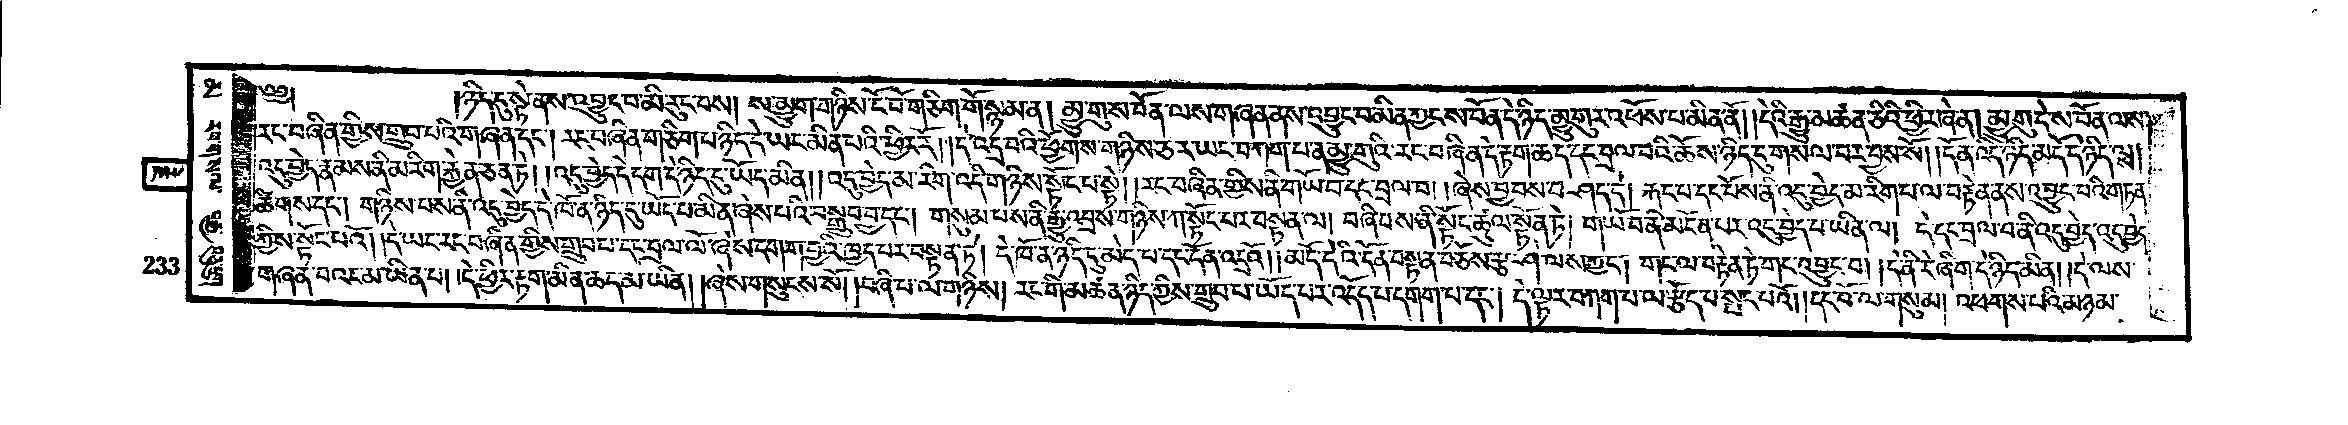༄༅། །ཉིད་དུ་སྟེ་ནས་འབྱུང་བ་མི་རུང་བས། ས་མྱུག་གཉིས་ངོ་བོ་གཅིག་གོ་སྙམ་ན། མྱུ་གུ་ས་བོན་ལས་གཞན་ནས་འབྱུང་བ་མིན་ཀྱང་ས་བོན་དེ་ཉིད་མྱུ་གུར་འཕོས་པ་མིན་ནོ། །དེའི་རྒྱུ་མཚན་ཅིའི་ཕྱིར་ཞེ་ན། མྱུ་གུ་དེ་ས་བོན་ལས་
རང་བཞིན་གྱིས་གྲུབ་པའི་གཞན་དང་། རང་བཞིན་གཅིག་པ་ཉིད་དེ་ཡང་མིན་པའི་ཕྱིར་རོ། །དེ་འདྲ་བའི་ཕྱོགས་གཉིས་ཅར་ཡང་བཀག་པ་ན་མྱུ་གུའི་རང་བཞིན་དེ་རྟག་ཆད་དང་བྲལ་བའི་ཆོས་ཉིད་དུ་གསལ་བར་བྱས་སོ། །དོན་འདི་ཉིད་མདོ་དེ་ཉིད་ལས།
འདུ་བྱེད་རྣམས་ནི་མ་རིག་རྐྱེན་ཅན་ཏེ། །འདུ་བྱེད་དེ་དག་དེ་ཉིད་དུ་ཡོད་མིན། །འདུ་བྱེད་མ་རིག་འདི་གཉིས་སྟོང་པ་སྟེ། །རང་བཞིན་གྱིས་ནི་གཡོ་བ་དང་བྲལ་བ། །ཞེས་བྱ་བས་བཤད་དེ། རྐང་པ་དང་པོས་ནི་འདུ་བྱེད་མ་རིག་པ་ལ་བརྟེན་ནས་འབྱུང་བའི་གཏན་
ཚིགས་དང་། གཉིས་པས་ནི་འདུ་བྱེད་དེ་ཁོ་ན་ཉིད་དུ་ཡོད་པ་མིན་ཞེས་པའི་བསྒྲུབ་བྱ་དང་། གསུམ་པས་ནི་རྒྱུ་འབྲས་གཉིས་ཀ་སྟོང་པར་བསྟན་ལ། བཞི་བས་ནི་སྟོང་ཚུལ་སྟོན་ཏེ། གཡོ་བ་ནི་མངོན་པར་འདུ་བྱེད་པ་ཡིན་ལ། དེ་དང་བྲལ་བ་ནི་འདུ་བྱེད་འདུ་བྱེད་
ཀྱིས་སྟོང་པའོ། །དེ་ཡང་རང་བཞིན་གྱིས་གྲུབ་པ་དང་བྲལ་ལོ་ཞེས་དགག་བྱའི་ཁྱད་པར་བསྟན་ཏེ། དེ་ཁོ་ན་ཉིད་དུ་མེད་པ་དང་དོན་འདྲའོ། །མདོ་དེའི་དོན་བསྟན་བཅོས་རྩ་ཤེ་ལས་ཀྱང་། གང་ལ་བརྟེན་ཏེ་གང་འབྱུང་བ། །དེ་ནི་རེ་ཞིག་དེ་ཉིད་མིན། །དེ་ལས་
གཞན་བའང་མ་ཡིན་པ། །དེ་ཕྱིར་རྟག་མིན་ཆད་མ་ཡིན། །ཞེས་གསུངས་སོ། །བཞི་པ་ལ་གཉིས། རང་གི་མཚན་ཉིད་ཀྱིས་གྲུབ་པ་ཡོད་པར་འདོད་པ་དགག་པ་དང་། དེ་ལྟར་བཀག་པ་ལ་རྩོད་པ་སྤང་པའོ། །དང་པོ་ལ་གསུམ། འཕགས་པའི་མཉམ་